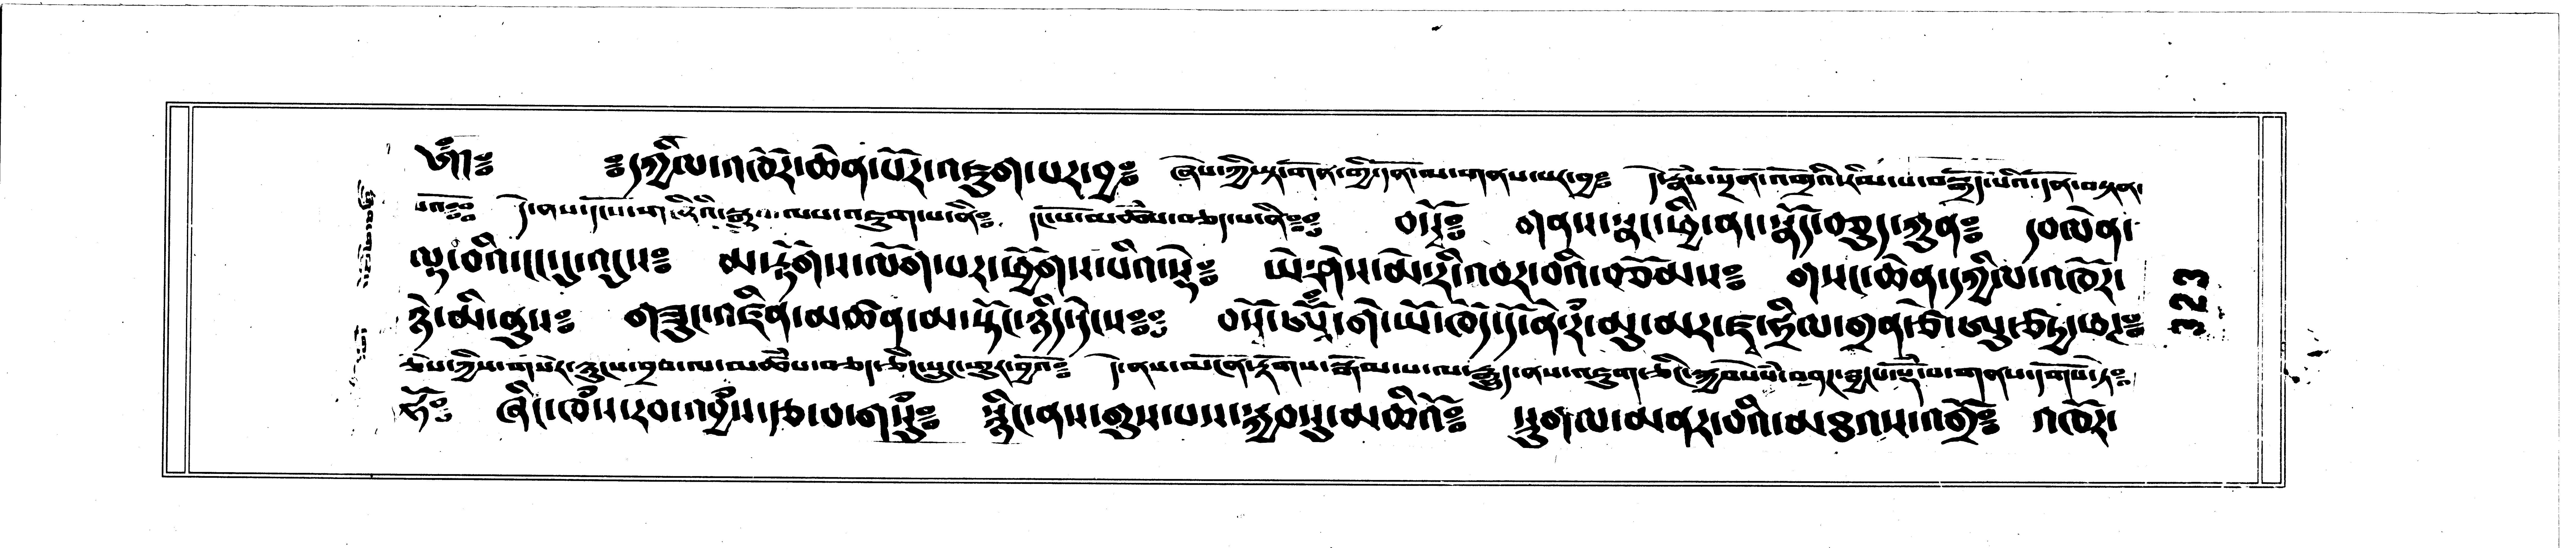དཀྱིལ་འཁོར་ཆེན་པོར་འཇུག་པར་བྱ༔ ཞེས་ཀྱི་སྟ་གོན་གྱི་དོན་ལ་གནས་པར་བྱཿ དེ་རྣམས་སྔོན་འགྲོའི་རིམ་པ་བསྒྲོད་པའི་དོན་བསྟན་
པའོ༔༔ དེ་ནས་དངོས་གཞིའི་སྒྲུབ་ལས་འཇུག་པ་ནི༔ དང་པོ་མཚམས་བཅད་པ་ནི༔༔ བསྭོ༔ གནས་སྣང་ཕྱི་ནང་སྣོད་བཅུད་ཀུན༔ དབལ་ཆེན་
ལྟ་བའི་ངང་དུ་འདུས༔ མ་རྟོགས་ལོག་པར་ཕྱོགས་པའི་སྡེ༔ ཡེ་ཤེས་མེ་རི་འབར་བའི་བཅོམ༔ གསང་ཆེན་དཀྱིལ་འཁོར་
ཉེ་མི་ནུས༔ གཟུང་འཛིན་མཚན་མ་སྟོང་ཉིད་དངོས༔༔ བསྭོ་ཨཱོཾ་གེ་ཡོ་ཁོད་དོ་ནེ་རམ་མུ་མར་ཛྭ་ཧྲིལ་གྲན་ཙེ་ཨུ་ཙ་ཏྱ་ཕཊ༔ 
ཅེས་ཀྱིས་གསེར་ཉུངས་བྲབ་ལ་མཚམས་བཅད་ཅིང་སྲུང་གུར་བྱའོ༔ དེ་ནས་མངོན་རྟོགས་སྒོམ་པ་རྒྱུད་ནས་འཇུག་ཅིང་སྐྱབས་སེམས་བཤགས་སྦྱངས་སྡོམ་པ་གནས་དགོས་
ཏེ༔ ཧོ༔ ཞིང་ཁམས་རབ་འབྱམས་རྩ་བ་གསུམ༔ སྙིང་ནས་གུས་པས་སྐྱབས་སུ་མཆིའོ༔ སྡུག་བསྔལ་མནར་བའི་མཐའ་ཡས་འགྲོ༔ འཁོར་